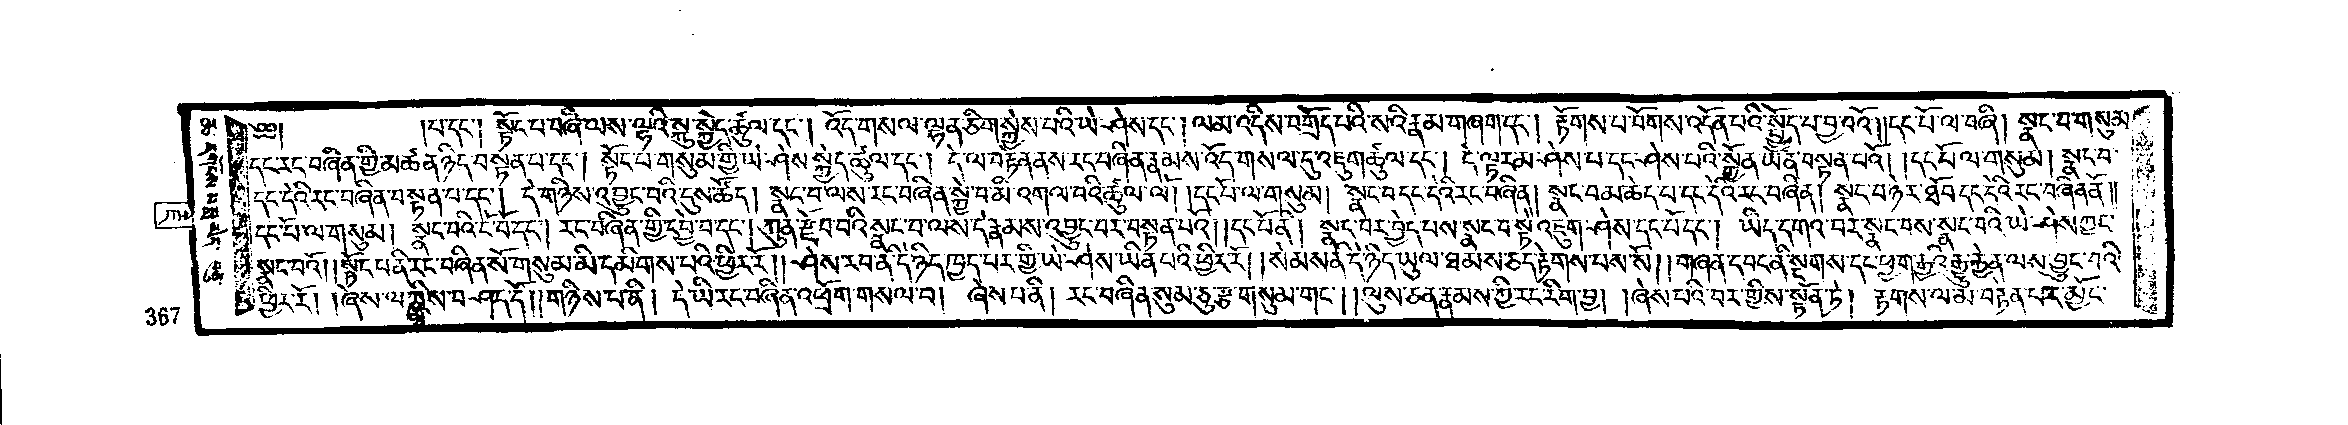༄༅། །པ་དང་། སྟོང་པ་བཞི་ལས་ལྷའི་སྐུ་སྐྱེད་ཚུལ་དང་། འོད་གསལ་ལྷན་ཅིག་སྐྱེས་པའི་ཡེ་ཤེས་དང་། ལམ་འདིས་བགྲོད་པའི་སའི་རྣམ་གཞག་དང་། རྟོགས་པ་བོགས་འདོན་པའི་སྤྱོད་པ་བྱ་བའོ། །དང་པོ་ལ་བཞི། སྣང་བ་གསུམ་
དང་རང་བཞིན་གྱི་མཚན་ཉིད་བསྟན་པ་དང་། སྟོང་པ་གསུམ་གྱི་ཡེ་ཤེས་སྐྱེད་ཚུལ་དང་། དེ་ལ་བརྟེན་ནས་རང་བཞིན་རྣམས་འོད་གསལ་དུ་འཇུག་ཚུལ་དང་། དེ་ལྟར་མ་ཤེས་པ་དང་ཤེས་པའི་སྐྱོན་ཡོན་བསྟན་པའོ། །དང་པོ་ལ་གསུམ། སྣང་བ་
དང་དེའི་རང་བཞིན་བསྟན་པ་དང་། དེ་གཉིས་འབྱུང་བའི་དུས་ཚོད། སྣང་བ་ལས་རང་བཞིན་སྐྱེ་བ་མི་འགལ་བའི་ཚུལ་ལོ། །དང་པོ་ལ་གསུམ། སྣང་བ་དང་དེའི་རང་བཞིན། སྣང་བ་མཆེད་པ་དང་དེའི་རང་བཞིན། སྣང་བ་ཉེར་ཐོབ་དང་དེའི་རང་བཞིན་ནོ། །
དང་པོ་ལ་གསུམ། སྣང་བའི་ངོ་བོ་དང་། རང་བཞིན་གྱི་དབྱེ་བ་དང་། ཀུན་རྫོབ་པའི་སྣང་བ་ལས་དེ་རྣམས་འབྱུང་བར་བསྟན་པའོ། །དང་པོ་ནི། སྣང་བར་བྱེད་པས་སྣང་བ་སྟེ་འཇུག་ཤེས་དང་པོ་དང་། ཡིད་དགའ་བར་སྣང་བས་སྣང་བའི་ཡེ་ཤེས་ཀྱང་
སྣང་བའོ། །སྟོང་པ་ནི་རང་བཞིན་སོ་གསུམ་མི་དམིགས་པའི་ཕྱིར་རོ། །ཤེས་རབ་ནི་དེ་ཉིད་ཁྱད་པར་གྱི་ཡེ་ཤེས་ཡིན་པའི་ཕྱིར་རོ། །སེམས་ནི་དེ་ཉིད་ཡུལ་ཐམས་ཅད་རྟོགས་པས་སོ། །གཞན་དབང་ནི་སྔགས་དང་ཕྱག་རྒྱའི་རྒྱུ་རྐྱེན་ལས་བྱུང་བའི་
ཕྱིར་རོ། །ཞེས་ལཀྵྨཱིས་བཤད་དོ། །གཉིས་པ་ནི། དེ་ཡི་རང་བཞིན་འཕྲོག་གསལ་བ། ཞེས་པ་ནི། རང་བཞིན་སུམ་ཅུ་རྩ་གསུམ་གང་། །ལུས་ཅན་རྣམས་ཀྱི་རང་རིག་བྱ། །ཞེས་པའི་བར་གྱིས་སྟོན་ཏེ། རྟགས་ལ་མ་བརྟེན་པར་མྱོང་